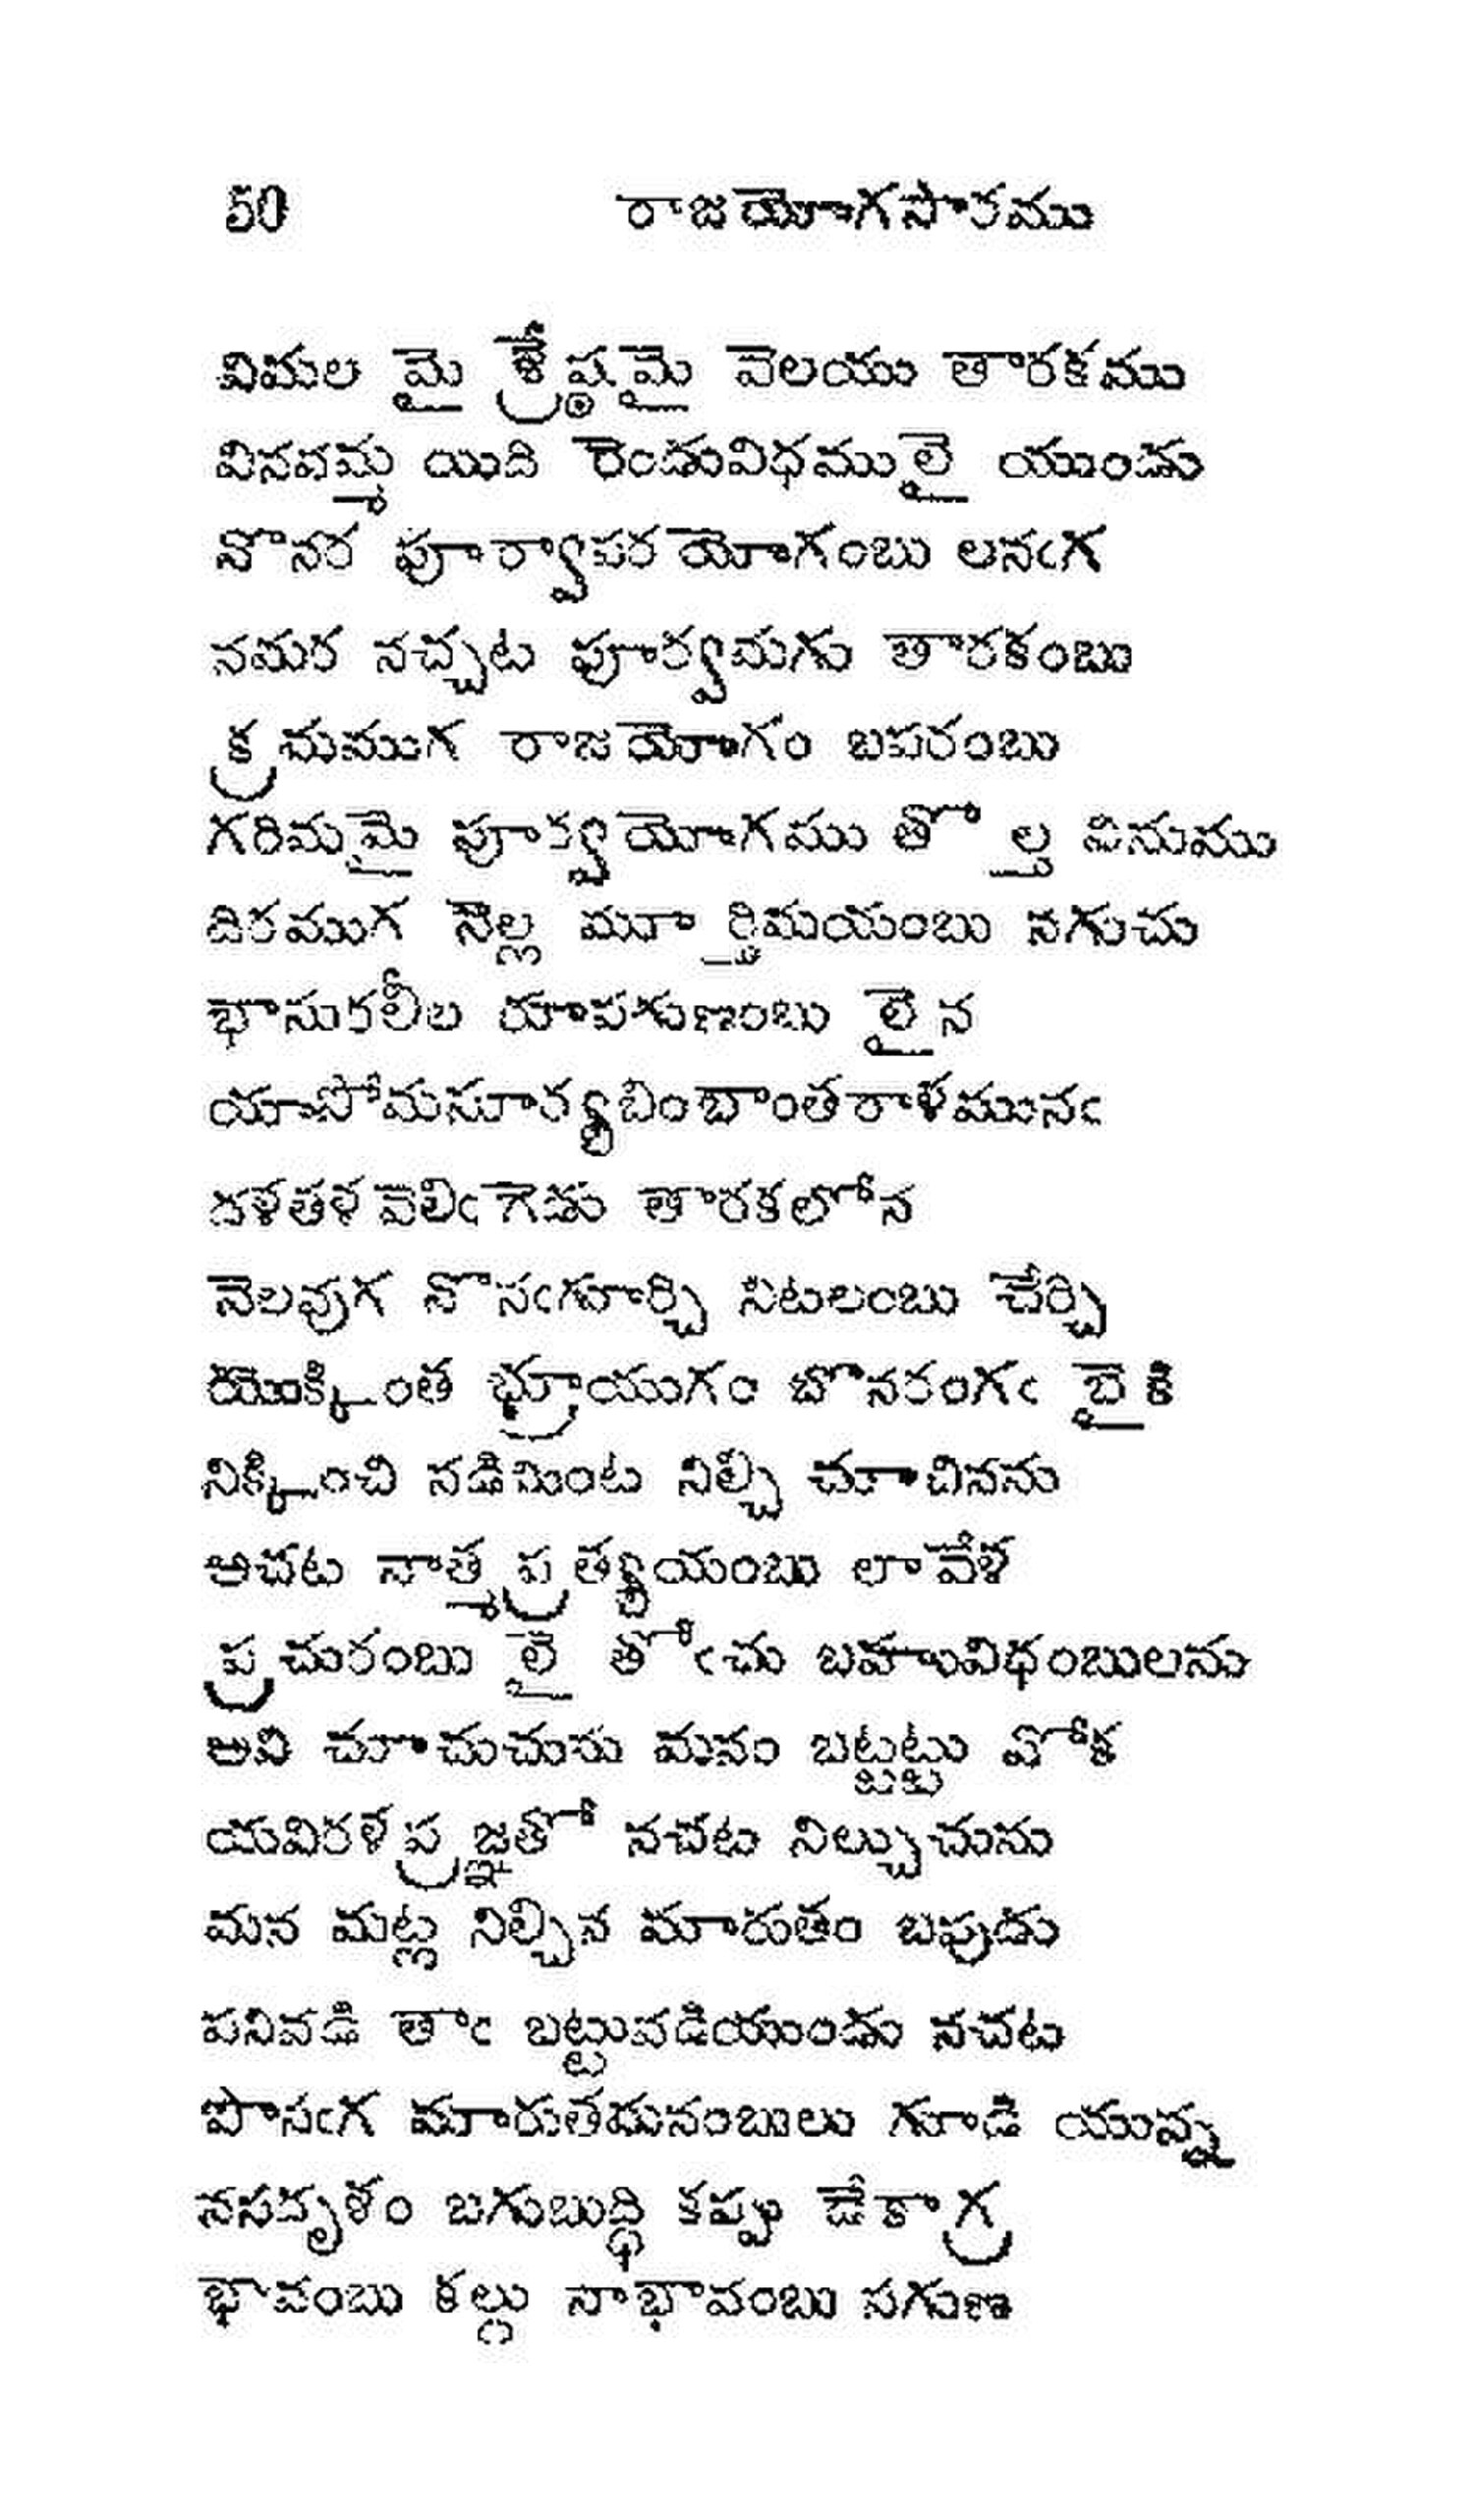విమలమై శ్రేష్ఠమై వెలయు తారకము
వినవమ్మ యిది రెండువిధములై యుండు
నొనర పూర్వాపరయోగంబు లనఁగ
నమర నచ్చట పూర్వమగు తారకంబు
క్రమముగ రాజయోగం బపరంబు
గరిమమై పూర్వయోగము తొల్త వినుము
దిరముగ నెల్ల మూర్తిమయంబు నగుచు
భాసురలీల రూపగుణంబు లైన
యాసోమసూర్యబింబాంతరాళమునఁ
దళతళవెలిఁగెడు తారకలోన
నెలవుగ నొనఁగూర్చి నిటలంబు చేర్చి
యెక్కింత భ్రూయుగం బొనరంగఁ బైకి
నిక్కించి నడిమింట నిల్చి చూచినను
అచట నాత్మప్రత్యయంబు లావేళ
ప్రచురంబు లై తోఁచు బహువిధంబులను
అవి చూచుచును మనం బట్టట్టు వోక 
యవిరళప్రజ్ఞతో నచట నిల్చుచును
మన మట్ల నిల్చిన మారుతం బపుడు
పనివడి తాఁ బట్టువడియుండు నచట
పొసఁగ మారుతమనంబులు గూడి యున్న
నసదృశం బగుబుద్ధి కప్పు డేకాగ్ర 
భావంబు కల్గు నాభావంబు సగుణ